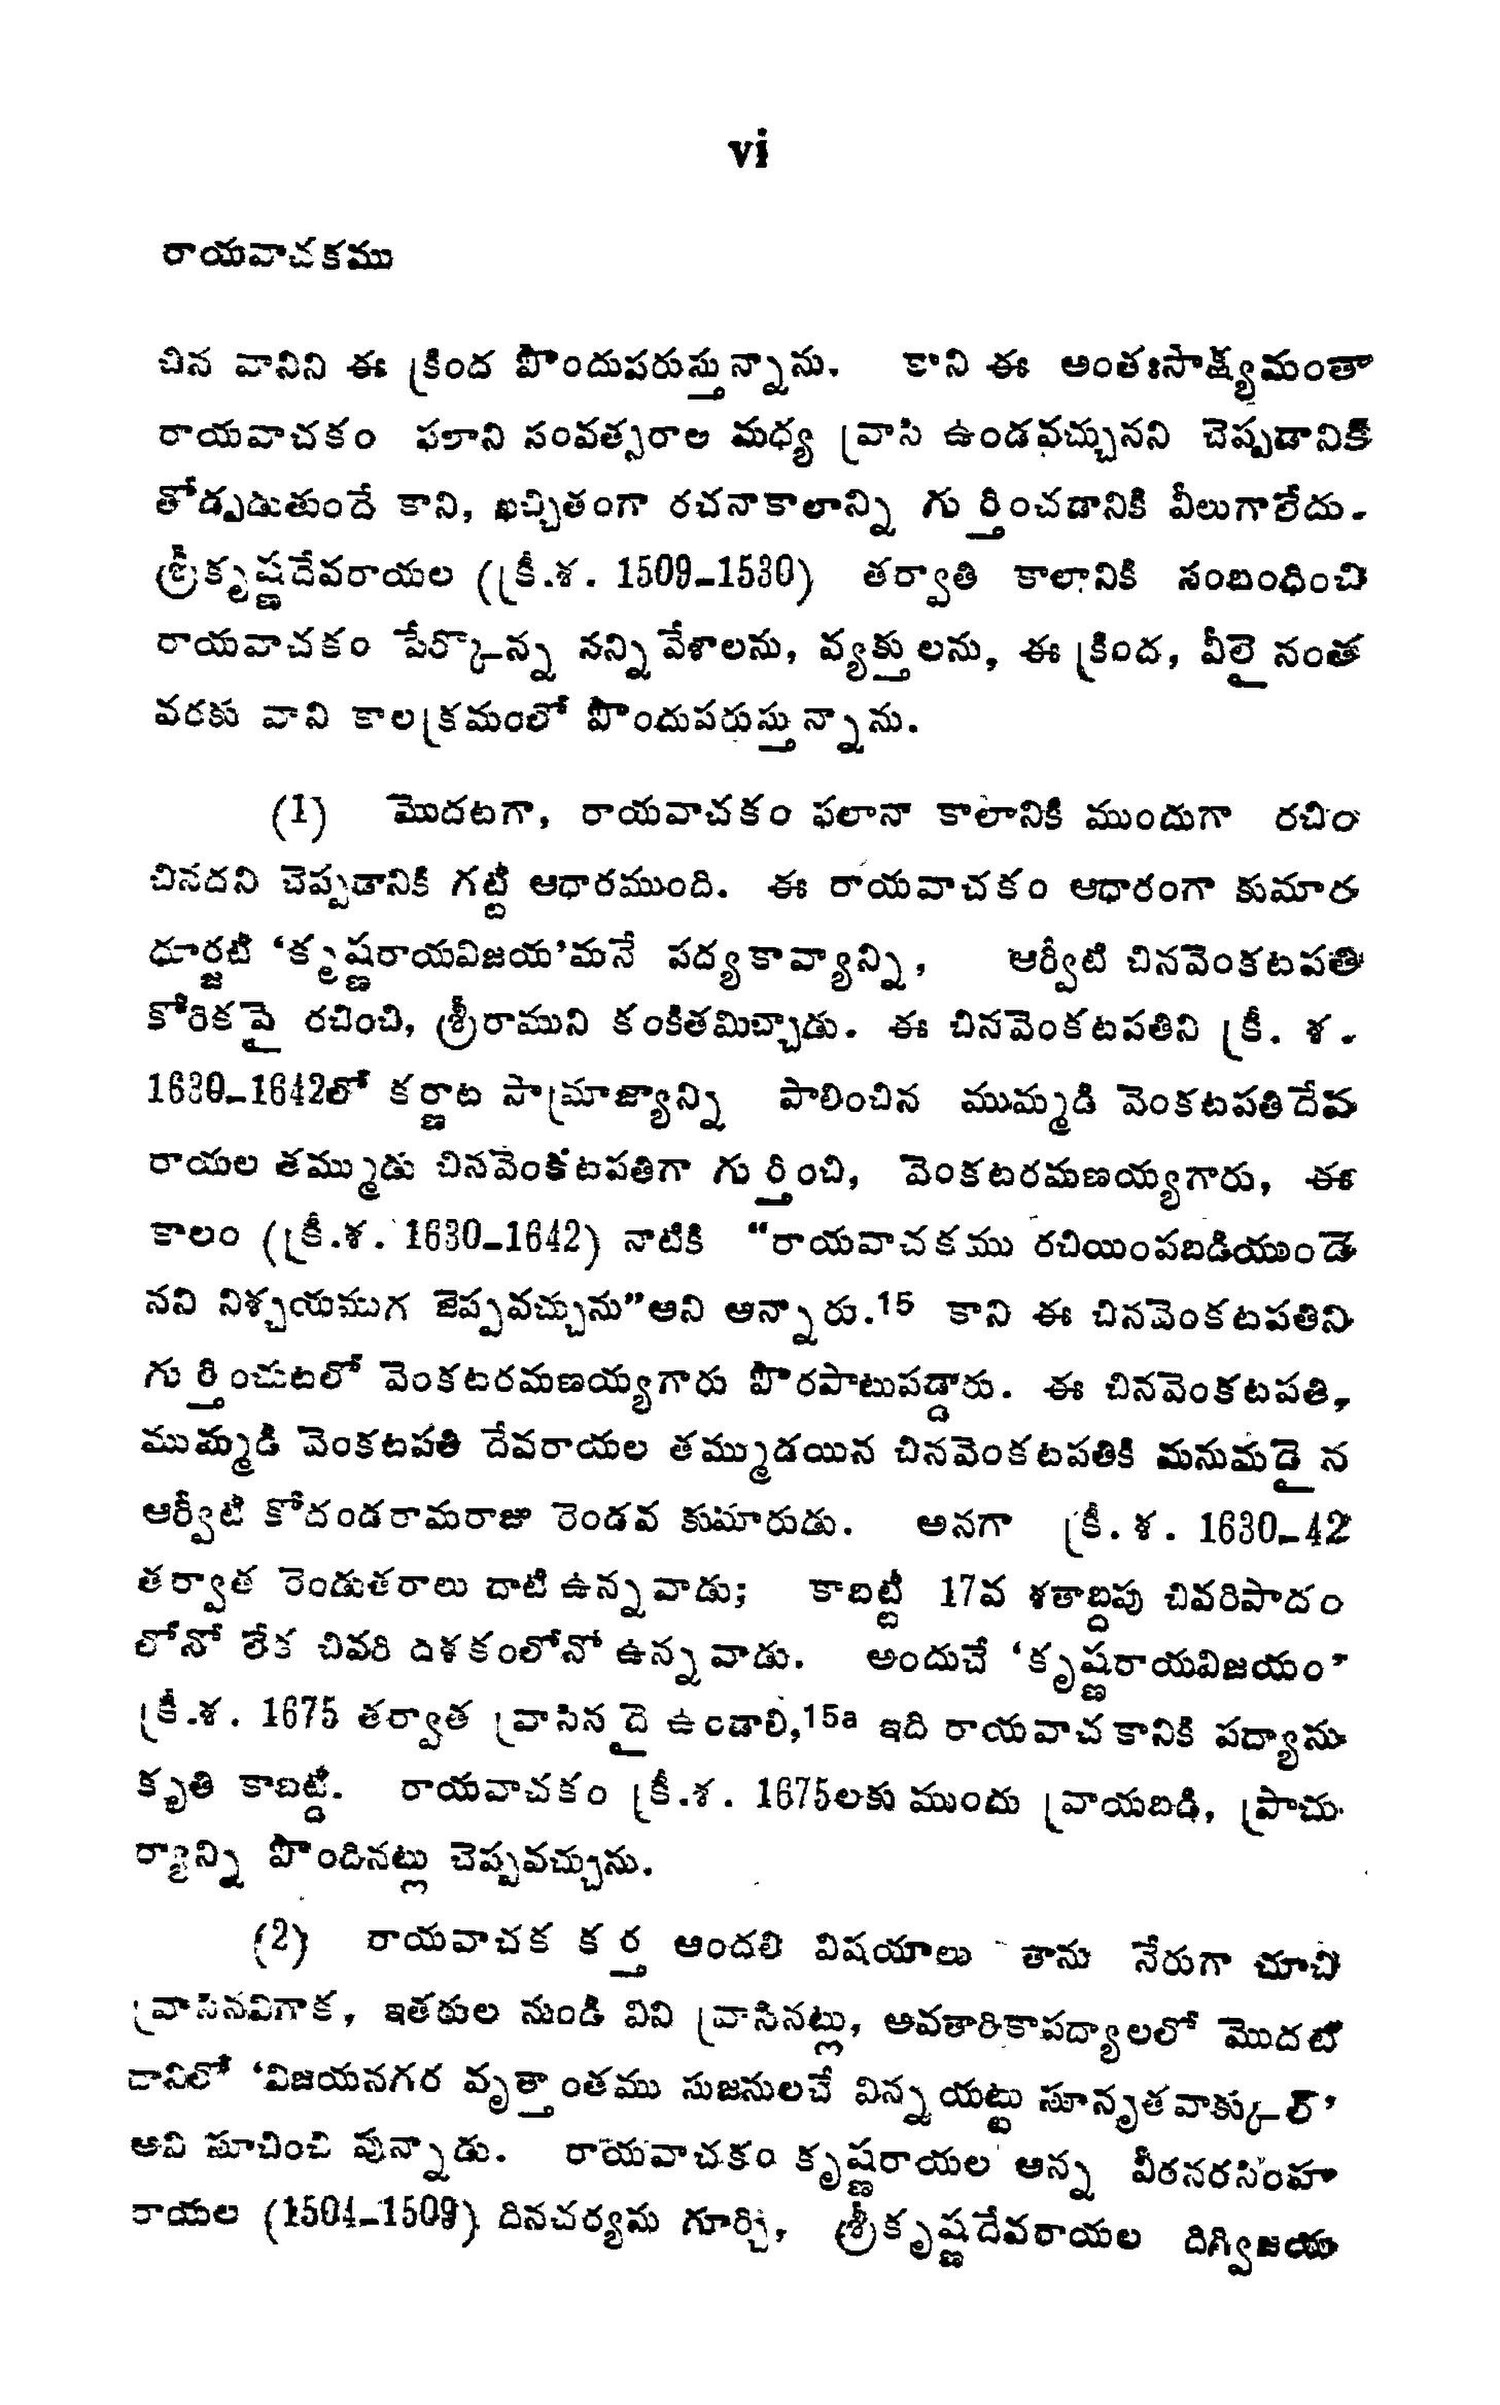చిన వానిని ఈ క్రింద పొందుపరుస్తున్నాను. కాని ఈ అంతఃసాక్ష్యమంతా రాయవాచకం ఫలాని సంవత్సరాల మధ్య వ్రాసి ఉండవచ్చునని చెప్పడానికి తోడ్పడుతుందే కాని, ఖచ్చితంగా రచనాకాలాన్ని గుర్తించడానికి వీలుగాలేదు. శ్రీకృష్ణదేవరాయల (క్రీ.శ. 1509-1530) తర్వాతి కాలానికి సంబంధించి రాయవాచకం పేర్కొన్న సన్నివేశాలను, వ్యక్తులను, ఈ క్రింద, వీలైనంత వరకు వాని కాలక్రమంలో పొందుపరుస్తున్నాను.

(1) మొదటగా, రాయవాచకం ఫలానా కాలానికి ముందుగా రచించినదని చెప్పడానికి గట్టి ఆధారముంది. ఈ రాయవాచకం ఆధారంగా కుమార ధూర్జటి 'కృష్ణరాయవిజయ'మనే పద్యకావ్యాన్ని, ఆర్వీటి చినవెంకటపతి కోరికపై రచించి, శ్రీరాముని కంకితమిచ్చాడు. ఈ చినవెంకటపతిని క్రీ.శ. 1630-1642లో కర్ణాటసామ్రాజ్యాన్ని పాలించిన ముమ్మడి వెంకటపతిదేవరాయల తమ్ముడు చినవెంకటపతిగా గుర్తించి, వెంకటరమణయ్యగారు, ఈ కాలం (క్రీ.శ. 1630-1642) నాటికి "రాయవాచకము రచియింపబడియుండెనని నిశ్చయముగ జెప్పవచ్చును” అని అన్నారు. కాని ఈ చినవెంకటపతిని గుర్తించుటలో వెంకటరమణయ్యగారు పొరపాటుపడ్డారు. ఈ చినవెంకటపతి, ముమ్మడి వెంకటపతి దేవరాయల తమ్ముడయిన చినవెంకటపతికి మనుమడైన ఆర్వీటి కోదండరామరాజు రెండవ కుమారుడు. అనగా క్రీ. శ. 1630-42 తర్వాత రెండుతరాలు దాటి ఉన్నవాడు; కాబట్టి 17వ శతాబ్దపు చివరిపాదంలోనో లేక చివరిదశకంలోనో ఉన్నవాడు. అందుచే 'కృష్ణరాయవిజయం" క్రీ.శ. 1675 తర్వాత వ్రాసినదై ఉండాలి, ఇది రాయవాచకానికి పద్యానుకృతి కాబట్టి. రాయవాచకం క్రీ.శ. 1675లకు ముందు వ్రాయబడి, ప్రాచుర్యాన్ని పొందినట్లు చెప్పవచ్చును.

(2) రాయవాచక కర్త అందలి విషయాలు తాను నేరుగా చూచి వ్రాసినవిగాక, ఇతరుల నుండి విని వ్రాసినట్లు, అవతారికాపద్యాలలో మొదటి దానిలో 'విజయనగర వృత్తాంతము సుజనులచే విన్నయట్టి సూనృత వాక్కుల్ ' అని సూచించి వున్నాడు. రాయవాచకం కృష్ణరాయల అన్న వీరనరసింహరాయల (1504-1509) దినచర్యను గూర్చి, శ్రీకృష్ణదేవరాయల దిగ్విజయ